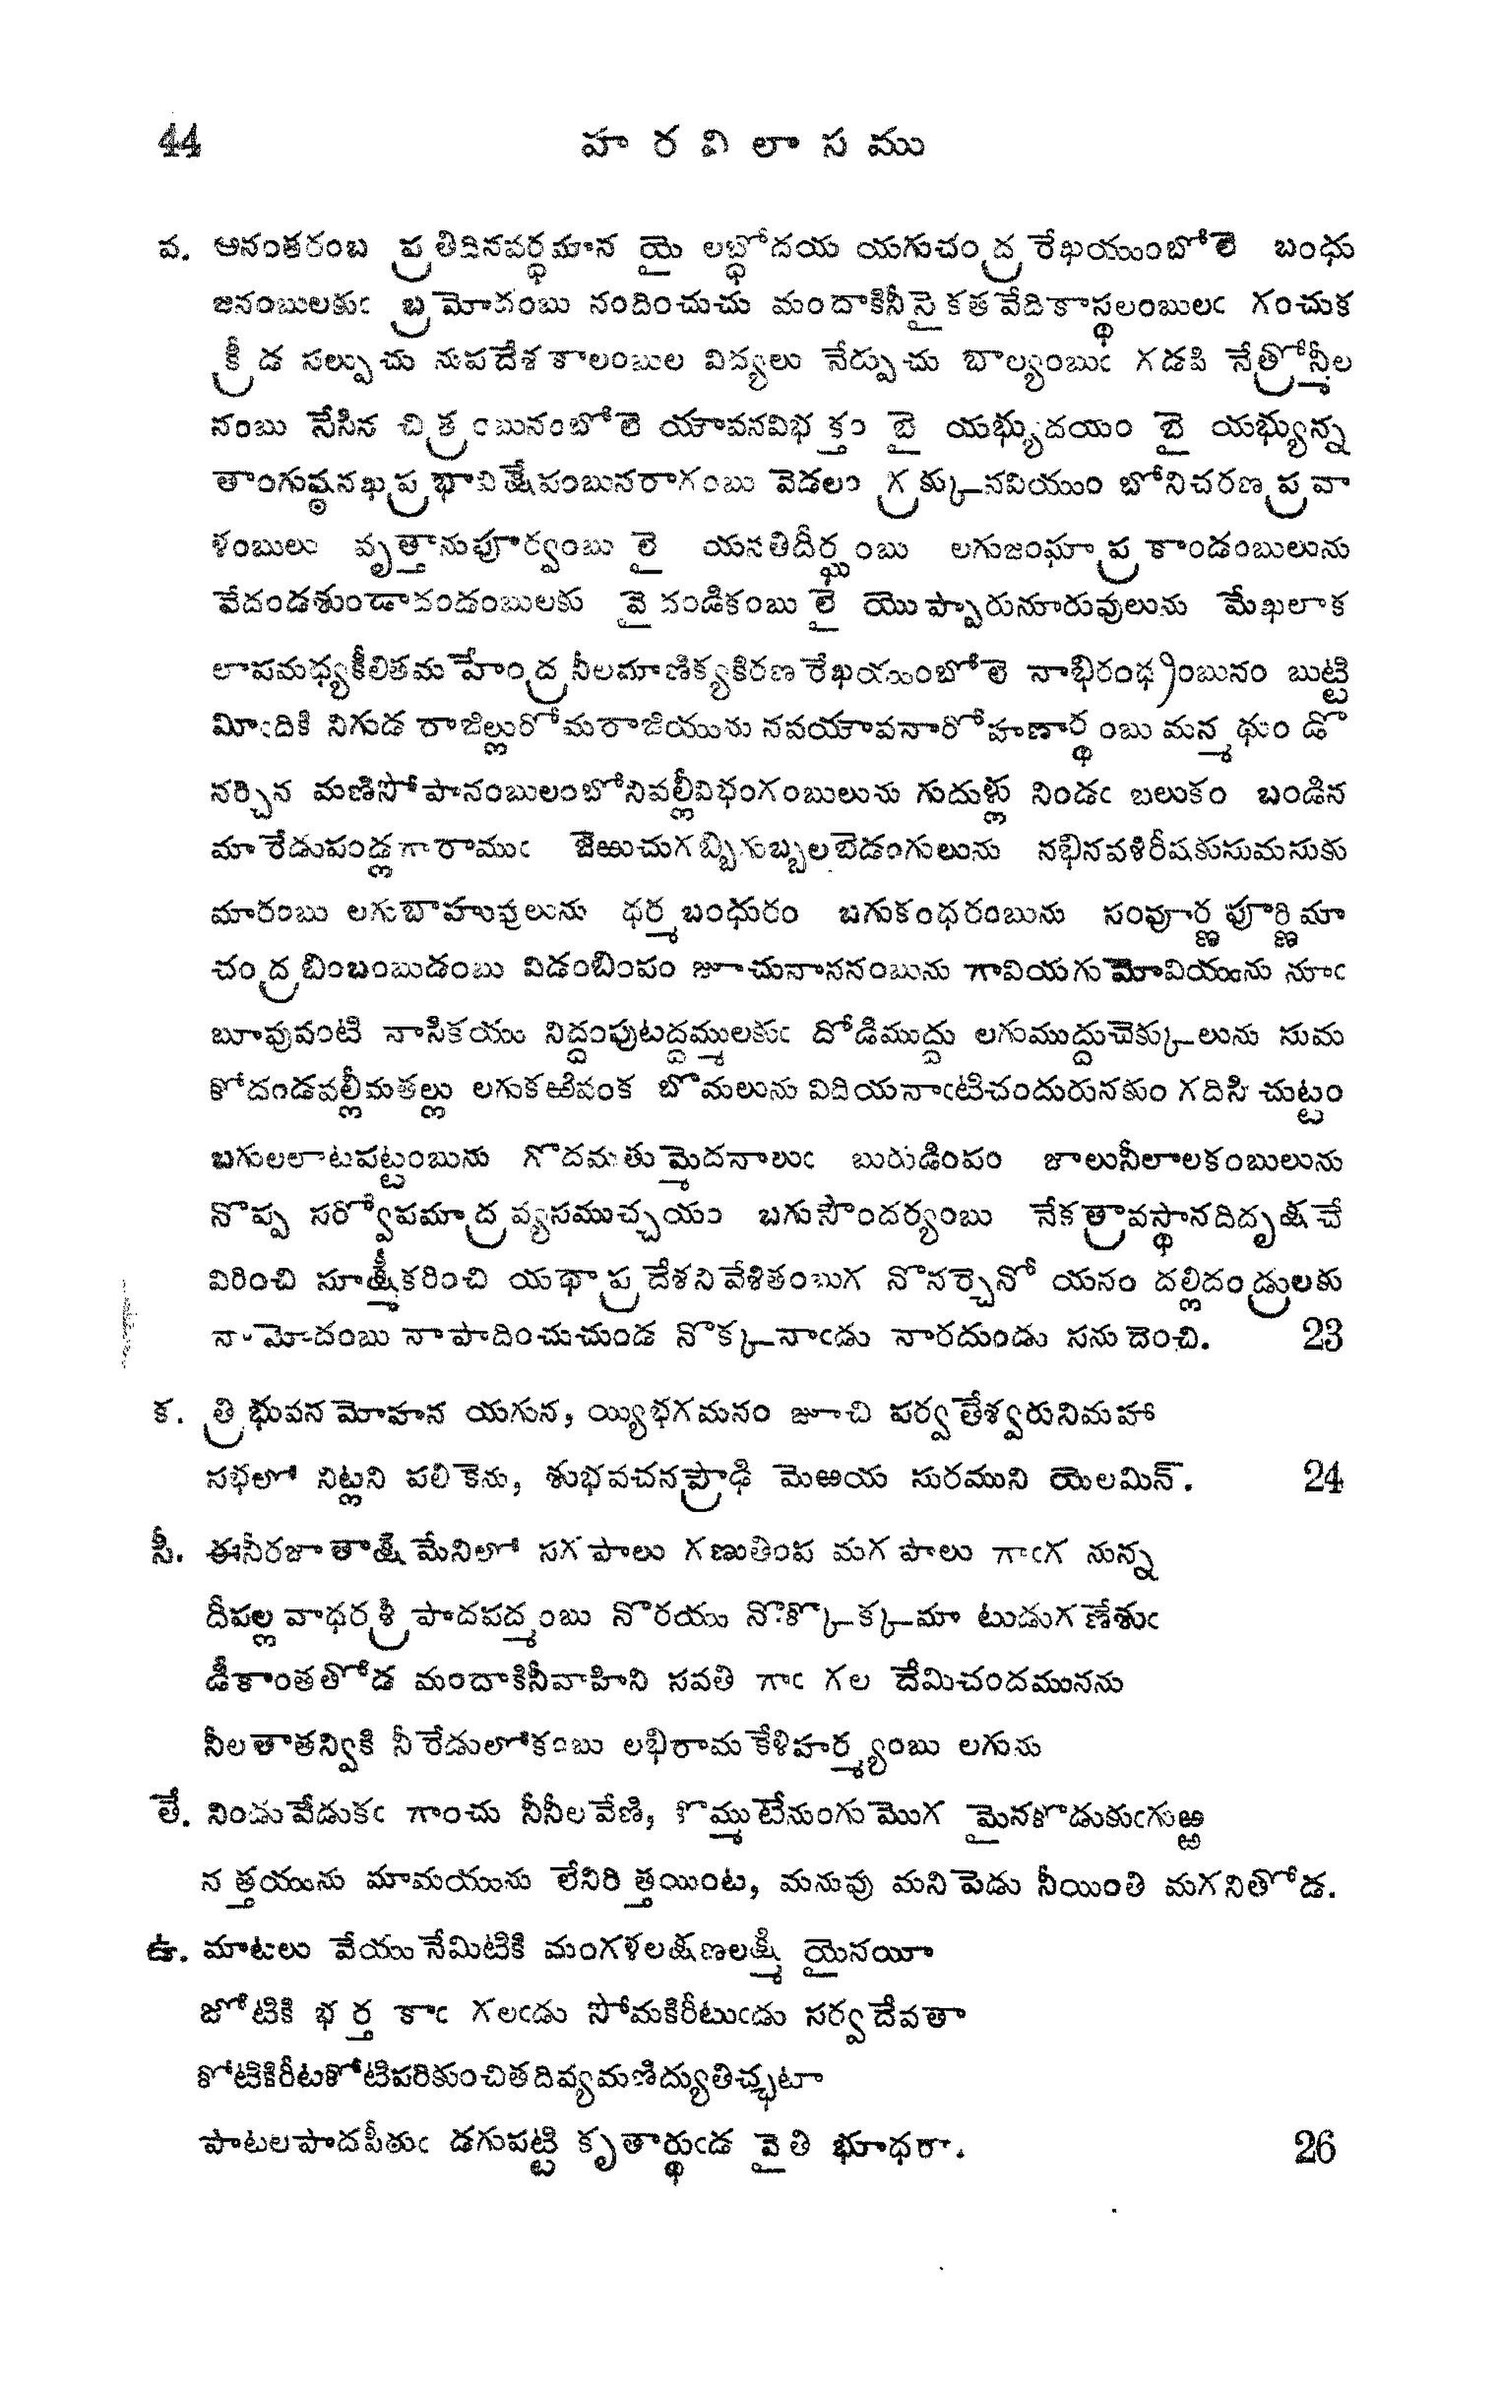వ. అనంతరంబ ప్రతిదినవర్ధమాన యై లబ్ధోదయ యగుచంద్రరేఖయుం బోలె బంధుజనంబులకుఁ బ్రమోదంబు నందించుచు మందాకినీసైకతవేదికాస్థలంబులఁ గంచుకక్రీడ సల్పుచు నుపదేశకాలంబుల విద్యలు నేర్పుచు బాల్యంబుఁ గడపి నేత్రోన్మీలనంబు సేసిన చిత్రంబునంబోలె యౌవనవిభక్తం బై యభ్యుదయం బై యభ్యున్నతాంగుష్టనఖప్రభావిక్షేపంబున రాగంబు వెడలు గ్రక్కునవియుం బోనిచరణప్రవాళంబులు వృత్తానుపూర్వంబు లై యనతిదీర్ఘంబు లగుజంఘాప్రకాండంబులును వేదండశుండాదండంబులకు వైదండికంబు లై యొప్పారునూరువులును మేఖలాకలాపమధ్యకీలితమహేంద్రనీలమాణిక్యకిరణరేఖయుంబోలె నాభిరంధ్రంబునం బుట్టి మీఁదికి నిగుడ రాజిల్లు రోమరాజియును నవయౌవనారోహణార్థంబు మన్మథుం డొనర్చిన మణిసోపానంబులంబోని వల్లీవిభంగంబులును గుదుళ్ళు నిండఁ బలుకం బండిన మారేడుపండ్ల గారాముఁ జెఱుచు గబ్బిగుబ్బలబెడంగులును నభినవశిరీషకుసుమసుకుమారంబు లగుబాహువులును ధర్మబంధురం బగుకంధరంబును సంపూర్ణపూర్ణిమాచంద్రబింబంబుడంబు విడంబింపం జూచునాననంబును గావియగు మోవియును నూఁబూవువంటి నాసికయు నిద్దంపుటద్దమ్ములకుఁ దోడిముద్దు లగుముద్దుచెక్కులును సుమకోదండపల్లీమతల్లు లగుకఱివంక బొమలును విదియనాఁటిచందురునకుం గదిసి చుట్టం బగులలాటపట్టంబును గొదమతుమ్మెదనాలుఁ బురుడింపం జాలునీలాలకంబులును నొప్ప సర్వోపమాద్రవ్యసముచ్చయం బగుసౌందర్యంబు నేకత్రావస్థానదిదృక్షచే విరించి సూక్ష్మీకరించి యథాప్రదేశనివేశితంబుగ నొనర్చెనో యనం దల్లిదండ్రులకు నామోదంబు నాపాదించుచుండ నొక్కనాఁడు నారదుండు సనుదెంచి. 23

క. త్రిభువన మోహన యగున, య్యిభగమనం జూచి పర్వతేశ్వరునిమహా
సభలో నిట్లని పలికెను, శుభవచనప్రౌఢి మెఱయ సురముని యెలమిన్. 24

సీ. ఈ నీరజాతాక్షి మేనిలో సగపాలు గణుతింప మగపాలు గాఁగ నున్న
దీపల్లవాధర శ్రీపాదపద్మంబు నొరయు నొక్కొక్కమా టుడుగణేశుఁ
డీకాంతతోడ మందాకినీవాహినీ సవతి గాఁ గల దేమిచందమునను
నీలతాతన్వికి నీరేడులోకంబు లభిరామకేళివార్యంబు లగును
తే. నిండువేడుకఁ గాంచు నీనీలవేణి, కొమ్ముటేనుంగుమొగ మైన కొడుకుఁగుఱ్ఱ
నత్తయును మామయును లేనిరిత్తయింట, మనువు మనిపెడు నీయింతి మగనితోడ. 25

ఉ. మాటలు వేయు నేమిటికి మంగళలక్షణలక్ష్మి యైనయీ
జోటికి భర్త కాఁ గలఁడు సోమకిరీటుఁడు సర్వదేవతా
కోటికిరీటకోటిపరికుంచితదివ్యమణిద్యుతిచ్ఛటా
పాటలపాదపీఠుఁ డగుపట్టి కృతార్థుఁడ వైతి భూధరా. 26